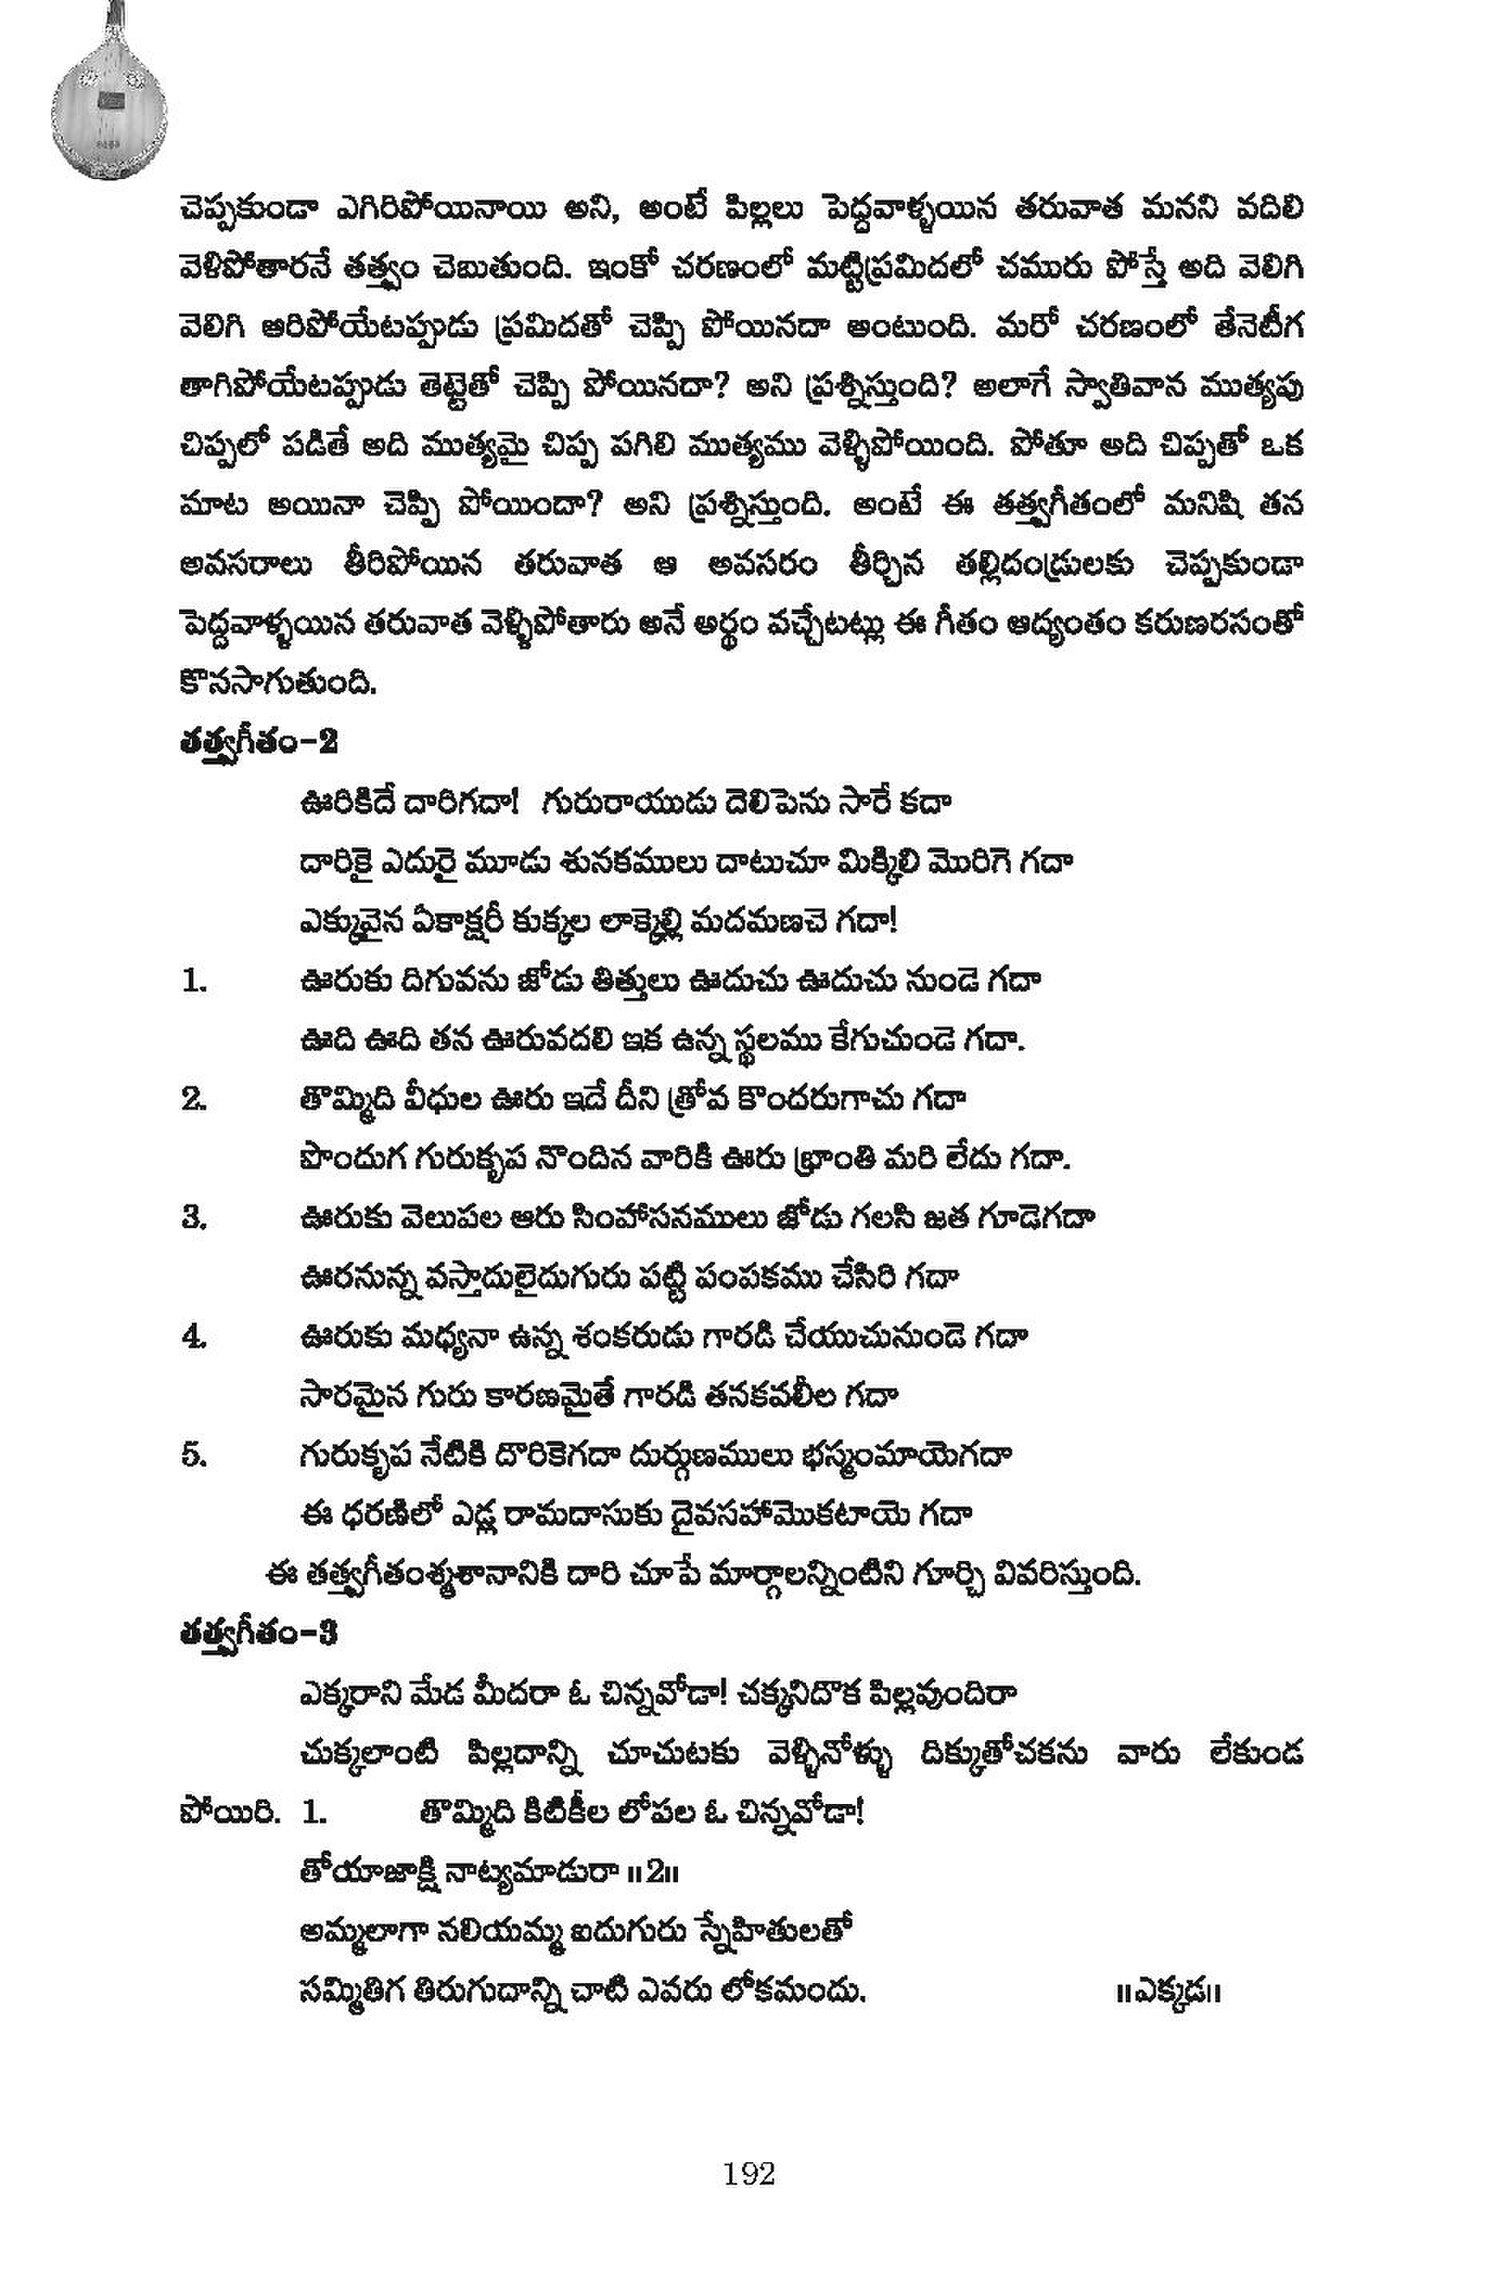చెప్పకుండా ఎగిరిపోయినాయి అని, అంటే పిల్లలు పెద్దవాళ్ళయిన తరువాత మనని వదిలివెళిపోతారనే తత్త్వంచెబుతుంది. ఇంకో చరణంలో మట్టిప్రమిదలో చమురు పోస్తే అది వెలిగివెలిగి ఆరిపోయేటప్పుడు ప్రమిదతో చెప్పి పోయినదా అంటుంది. మరో చరణంలో తేనెటీగతాగిపోయేటప్పుడు తెట్టెతో చెప్పి పోయినదా? అని ప్రశ్నిస్తుంది? అలాగే స్వాతివాన ముత్యపు
చిప్పలో పడితే అది ముత్యమై చిప్ప పగిలి ముత్యము వెళ్ళిపోయింది. పోతూ అది చిప్పతో ఒకమాట అయినా చెప్పి పోయిందా? అని ప్రశ్నిస్తుంది. అంటే ఈ తత్త్వగీతంలో మనిషి తనఅవసరాలు తీరిపోయిన తరువాత ఆ అవసరం తీర్చిన తల్లిదండ్రులకు చెప్పకుండాపెద్దవాళ్ళయిన తరువాత వెళ్ళిపోతారు అనే అర్థం వచ్చేటట్లు ఈ గీతం ఆద్యంతం కరుణరసంతోకొనసాగుతుంది.

తత్త్వగీతం-2 

ఊరికిదే దారిగదా! గురురాయుడు దెలిపెను సారే కదా
దారికై ఎదురై మూడు శునకములు దాటుచూ మిక్కిలి మొరిగె గదా
ఎక్కువైన ఏకాక్షరీ కుక్కల లాక్కెల్లి మదమణచె గదా!

1. ఊరుకు దిగువను జోడు తిత్తులు ఊదుచు ఊదుచు నుండె గదా
ఊది ఊది తన ఊరువదలి ఇక ఉన్న స్థలము కేగుచుండె గదా.

2. తొమ్మిది వీధుల ఊరు ఇదే దీని త్రోవ కొందరుగాచు గదా
పొందుగ గురుకృప నొందిన వారికి ఊరు భ్రాంతి మరి లేదు గదా.

3. ఊరుకు వెలుపల ఆరు సింహాసనములు జోడు గలసి జత గూడెగదా
ఊరనున్న వస్తాదులైదుగురు పట్టి పంపకము చేసిరి గదా

4. ఊరుకు మధ్యనా ఉన్న శంకరుడు గారడి చేయుచునుండె గదా
సారమైన గురు కారణమైతే గారడి తనకవలీల గదా

5. గురుకృప నేటికి దొరికెగదా దుర్గుణములు భస్మంమాయెగదా
ఈ ధరణిలో ఎడ్ల రామదాసుకు దైవసహామొకటాయె గదా

ఈ తత్త్వగీతంశ్మశానానికి దారి చూపే మార్గాలన్నింటిని గూర్చి వివరిస్తుంది.

తత్త్వగీతం-3

ఎక్కరాని మేడ మీదరా ఓ చిన్నవాడా! చక్కనిదొక పిల్లవుందిరా
చుక్కలాంటి పిల్లదాన్ని చూచుటకు వెళ్ళినోళ్ళు దిక్కుతోచకను వారు లేకుండ పోయిరి. 

1. తొమ్మిది కిటికీల లోపల ఓ చిన్నవోడా!
తోయజాక్షి నాట్యమాడురా ||2||
అమ్మలాగా నలియమ్మ ఐదుగురు స్నేహితులతో
సమ్మితిగ తిరుగుదాన్ని చాటి ఎవరు లోకమందు.౹౹ఎక్కడ౹౹